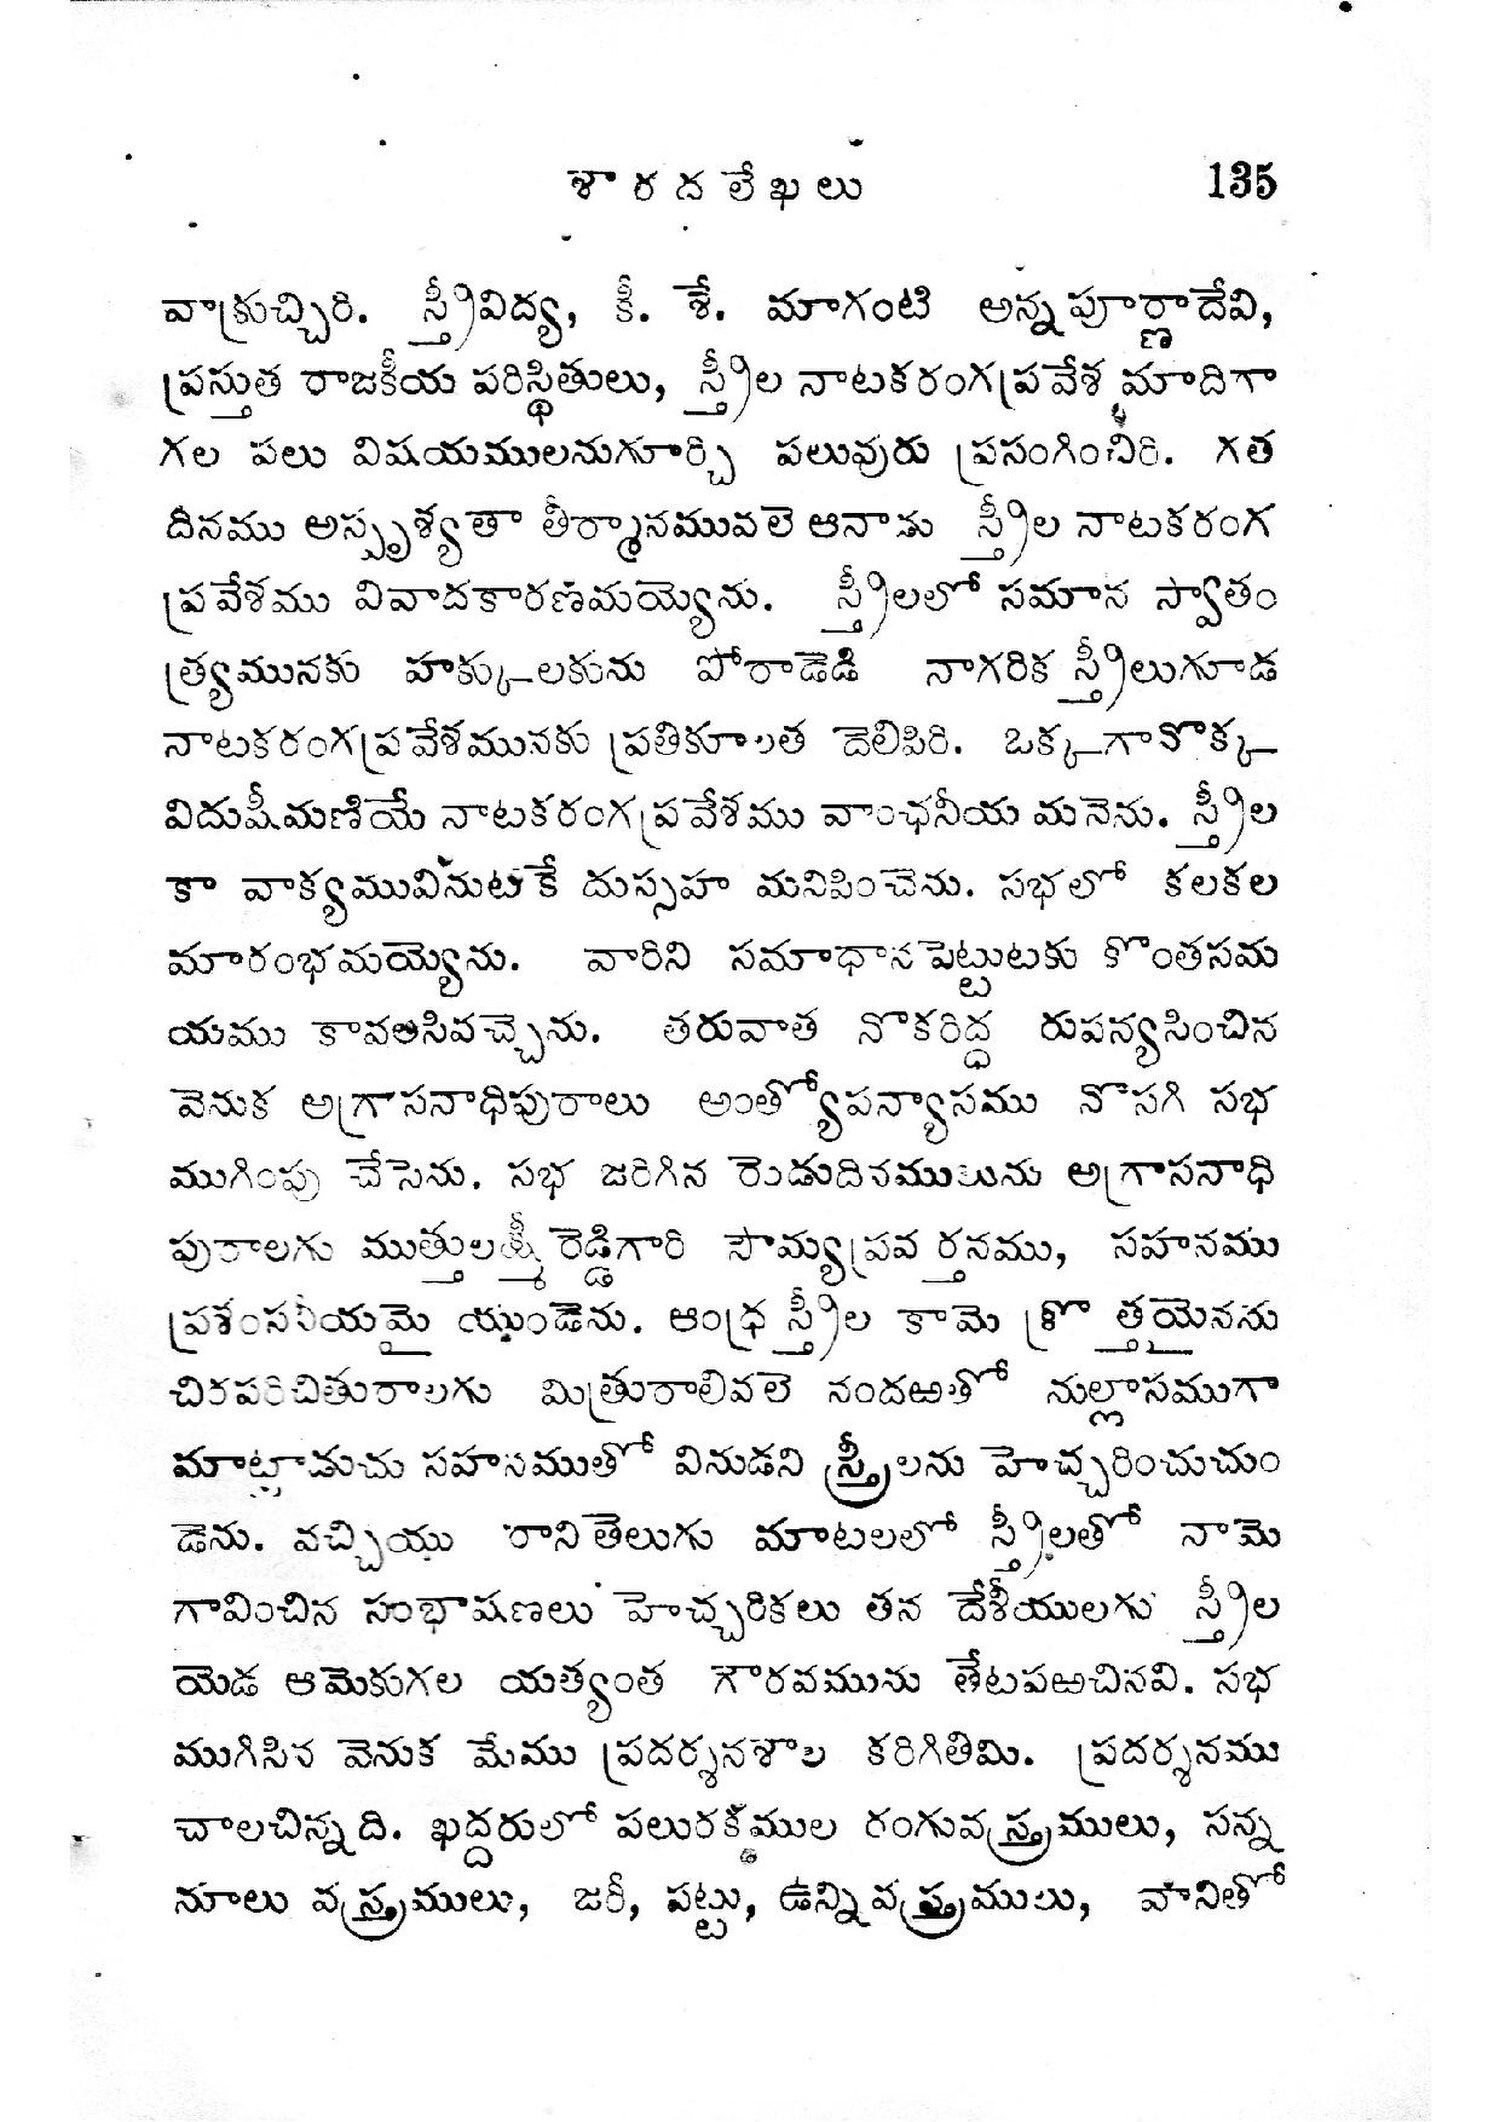వాక్రుచ్చిరి. స్త్రీవిద్య, కీ. శే. మాగంటి అన్నపూర్ణాదేవి, ప్రస్తుత రాజకీయ పరిస్థితులు, స్త్రీల నాటకరంగప్రవేశ మాదిగా గల పలు విషయములనుగూర్చి పలువురు ప్రసంగించిరి. గతదినము అస్పృశ్యతా తీర్మానమువలె ఆనాడు స్త్రీల నాటకరంగ ప్రవేశము వివాదకారణమయ్యెను. స్త్రీలలో సమాన స్వాతంత్ర్యమునకు హక్కులకును పోరాడెడి నాగరికస్త్రీలుగూడ నాటకరంగప్రవేశమునకు ప్రతికూలత దెలిపిరి. ఒక్కగానొక్క విదుషీమణియే నాటకరంగప్రవేశము వాంఛనీయ మనెను. స్త్రీలకా వాక్యమువినుటకే దుస్సహ మనిపించెను. సభలో కలకల మారంభమయ్యెను. వారిని సమాధానపెట్టుటకు కొంతసమయము కావలసివచ్చెను. తరువాత నొకరిద్ద రుపన్యసించిన వెనుక అగ్రాసనాధిపురాలు అంత్యోపన్యాసము నొసగి సభ
ముగింపు చేసెను. సభ జరిగిన రెండుదినములును అగ్రాసనాధిపురాలగు ముత్తులక్ష్మీ రెడ్డిగారి సౌమ్యప్రవర్తనము, సహనము ప్రశంసనీయమై యుండెను. ఆంధ్రస్త్రీల కామె క్రొత్తయైనను చిరపరిచితురాలగు మిత్రురాలివలె నందఱతో నుల్లాసముగా మాట్లాడుచు సహనముతో వినుడని స్త్రీలను హెచ్చరించుచుండెను. వచ్చియు రానితెలుగు మాటలలో స్త్రీలతో నామె గావించిన సంభాషణలు హెచ్చరికలు తన దేశీయులగు స్త్రీలయెడ ఆమెకుగల యత్యంత గౌరవమును తేటపఱచినవి. సభ ముగిసిన వెనుక మేము ప్రదర్శనశాల కరిగితిమి. ప్రదర్శనము చాలచిన్నది. ఖద్దరులో పలురకముల రంగువస్త్రములు, సన్ననూలు వస్త్రములు, జరీ, పట్టు, ఉన్నివస్త్రములు, వానితో